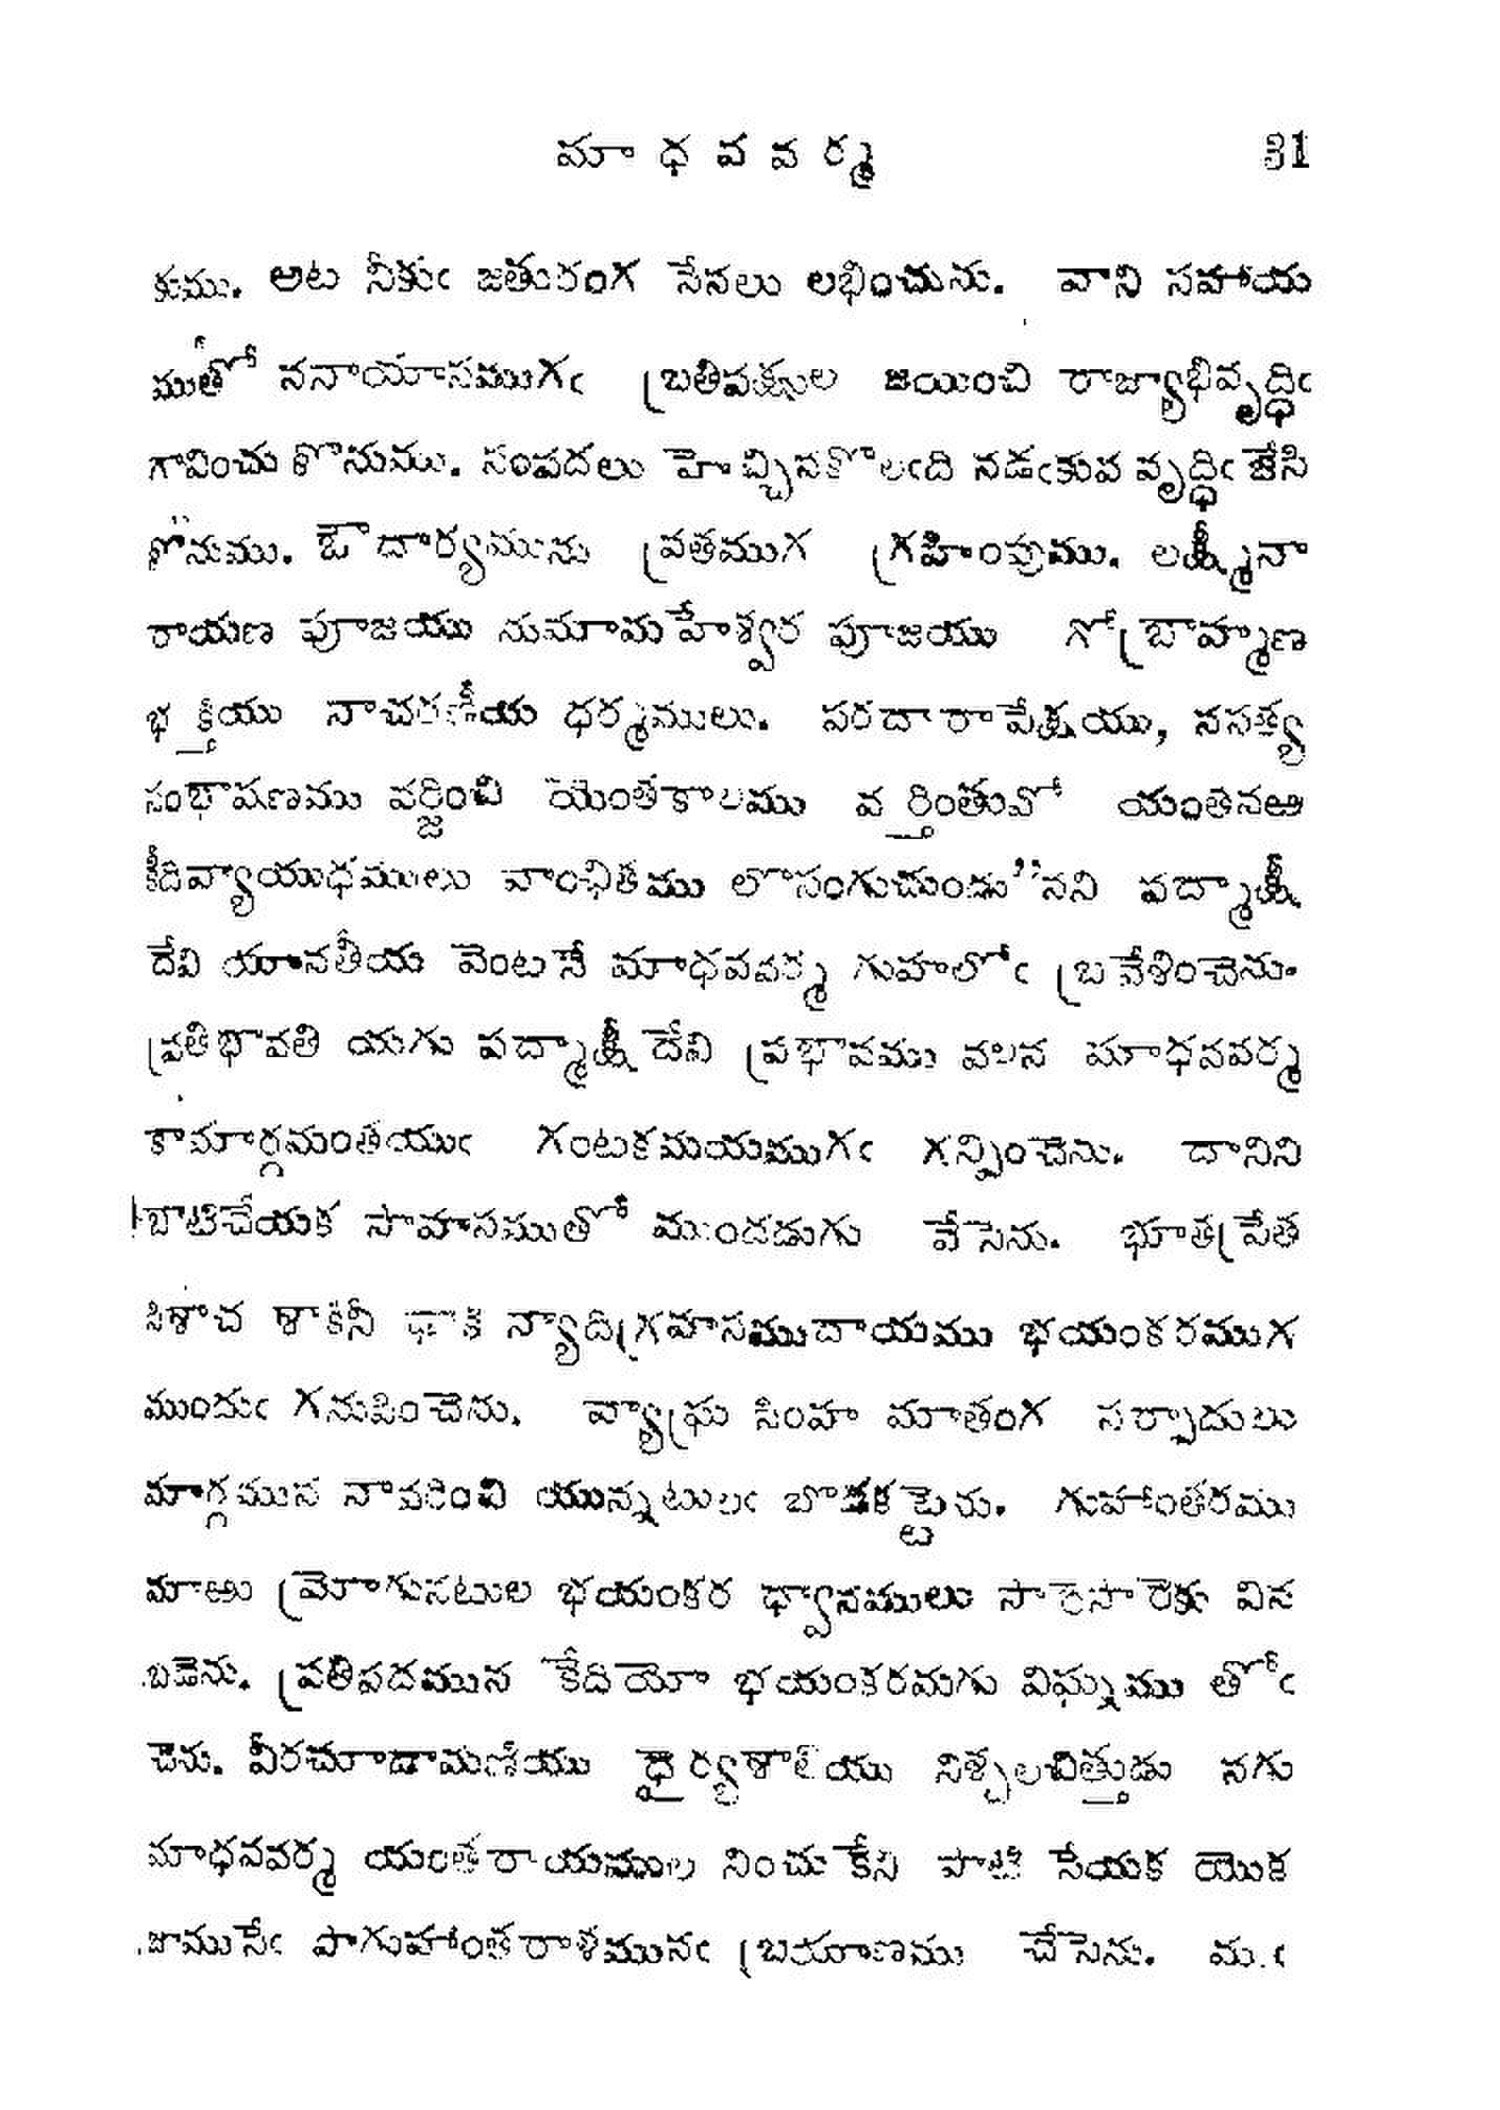కుము. అట నీకు జతురంగ సేనలు లభించును. వాని సహాయముతో ననాయాసముగ బ్రతిపక్షుల జయించి రాజ్యాభివృద్ధిగావించు కొనుము. సంపదలు హెచ్చినకొలది నడకుప వృద్ధిజేసికొనుము. ఔదార్యమును వ్రతముగ గ్రహింపుము. లక్ష్మీనారాయణ పూజయు నుమామహేశ్వర పూజయు గోబ్రాహ్మణభక్తియు నాచరణీయ ధర్మములు. పరదారాపేక్షయు, నసత్యసంభాషణము వర్జించి యెంతకాలము వర్తింతువో యంతవఱ కీదివ్యాయుధములు వాంఛితము లొసంగుచుండు"నని పద్మాక్షీదేవి యానతీయ వెంటనే మాధవవర్మ గుహలో బ్రవేశించెను. ప్రతిభావతి యగు పద్మాక్షీదేవి ప్రభావము వలన మాధవవర్మ కామార్గమంతయు గంటకమయముగ గంపించెను. దానిని బాటిచేయక సాహసముతో ముందడుగు వేసెను. భూతప్రేత పిశాచ శాకినీ డాకి న్యాదిగ్రహసము దాయము భయంకరముగ ముందు గనుపించెను. వ్యాఘ్ర సింహ మాతంగ సర్పాదులు మార్గమున నావరించి యున్నటుల బొడకట్టెను. గుహాంతరము మాఱు మ్రోగునటుల భయంకర ధ్వానములు సారెసారెకు వినబడెను. ప్రతిపదమున కేదియో భయంకరమగు విఘ్నము తోచెను. వీరచూడామణియు ధైర్యశాలియు నిశ్చలచిత్తుడు నగు మాధవవర్మ యంత రాయముల నించుకేని పాటి సేయక యొక జాముసే పాగుహాంతరాళమున బ్రయాణము చేసెను. మం